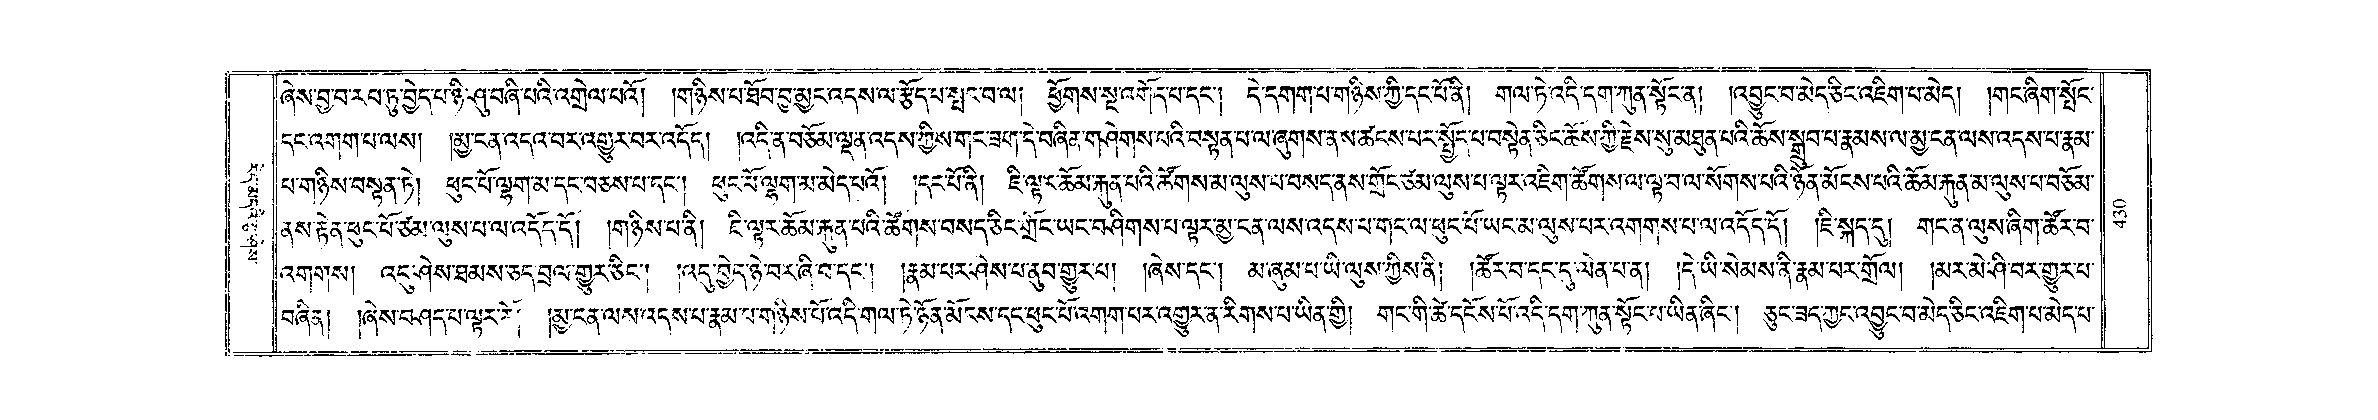ཞེས་བྱ་བ་རབ་ཏུ་བྱེད་པ་ཉི་ཤུ་བཞི་པའི་འགྲེལ་པའོ། །གཉིས་པ་ཐོབ་བྱ་མྱང་འདས་ལ་རྩོད་པ་སྤང་བ་ལ། ཕྱོགས་སྔ་འགོད་པ་དང་། དེ་དགག་པ་གཉིས་ཀྱི་དང་པོ་ནི། གལ་ཏེ་འདི་དག་ཀུན་སྟོང་ན། །འབྱུང་བ་མེད་ཅིང་འཇིག་པ་མེད། །གང་ཞིག་སྤོང་
དང་འགག་པ་ལས། །མྱ་ངན་འདའ་བར་འགྱུར་བར་འདོད། །འདི་ན་བཅོམ་ལྡན་འདས་ཀྱིས་གང་ཟག་དེ་བཞིན་གཤེགས་པའི་བསྟན་པ་ལ་ཞུགས་ནས་ཚངས་པར་སྤྱོད་པ་བསྟེན་ཅིང་ཆོས་ཀྱི་རྗེས་སུ་མཐུན་པའི་ཆོས་སྒྲུབ་པ་རྣམས་ལ་མྱ་ངན་ལས་འདས་པ་རྣམ་
པ་གཉིས་བསྟན་ཏེ། ཕུང་པོ་ལྷག་མ་དང་བཅས་པ་དང་། ཕུང་པོ་ལྷག་མ་མེད་པའོ། །དང་པོ་ནི། ཇི་ལྟར་ཆོམ་རྐུན་པའི་ཚོགས་མ་ལུས་པ་བསད་ནས་གྲོང་ཙམ་ལུས་པ་ལྟར་འཇིག་ཚོགས་ལ་ལྟ་བ་ལ་སོགས་པའི་ཉོན་མོངས་པའི་ཆོམ་རྐུན་མ་ལུས་པ་བཅོམ་
ནས་རྟེན་ཕུང་པོ་ཙམ་ལུས་པ་ལ་འདོད་དོ། །གཉིས་པ་ནི། ཇི་ལྟར་ཆོམ་རྐུན་པའི་ཚོགས་བསད་ཅིང་གྲོང་ཡང་བཤིགས་པ་ལྟར་མྱ་ངན་ལས་འདས་པ་གང་ལ་ཕུང་པོ་ཡང་མ་ལུས་པར་འགགས་པ་ལ་འདོད་དོ། །ཇི་སྐད་དུ། གང་ན་ལུས་ཞིག་ཚོར་བ་
འགགས། འདུ་ཤེས་ཐམས་ཅད་བྲལ་གྱུར་ཅིང་། །འདུ་བྱེད་ཉེ་བར་ཞི་བ་དང་། །རྣམ་པར་ཤེས་པ་ནུབ་གྱུར་པ། །ཞེས་དང་། མ་ཞུམ་པ་ཡི་ལུས་ཀྱིས་ནི། །ཚོར་བ་དང་དུ་ལེན་པ་ན། །དེ་ཡི་སེམས་ནི་རྣམ་པར་གྲོལ། །མར་མེ་ཤི་བར་གྱུར་པ་
བཞིན། །ཞེས་བཤད་པ་ལྟར་རོ། །མྱ་ངན་ལས་འདས་པ་རྣམ་པ་གཉིས་པོ་འདི་གལ་ཏེ་ཉོན་མོངས་དང་ཕུང་པོ་འགག་པར་འགྱུར་ན་རིགས་པ་ཡིན་གྱི། གང་གི་ཚེ་དངོས་པོ་འདི་དག་ཀུན་སྟོང་པ་ཡིན་ཞིང་། ཅུང་ཟད་ཀྱང་འབྱུང་བ་མེད་ཅིང་འཇིག་པ་མེད་པ་